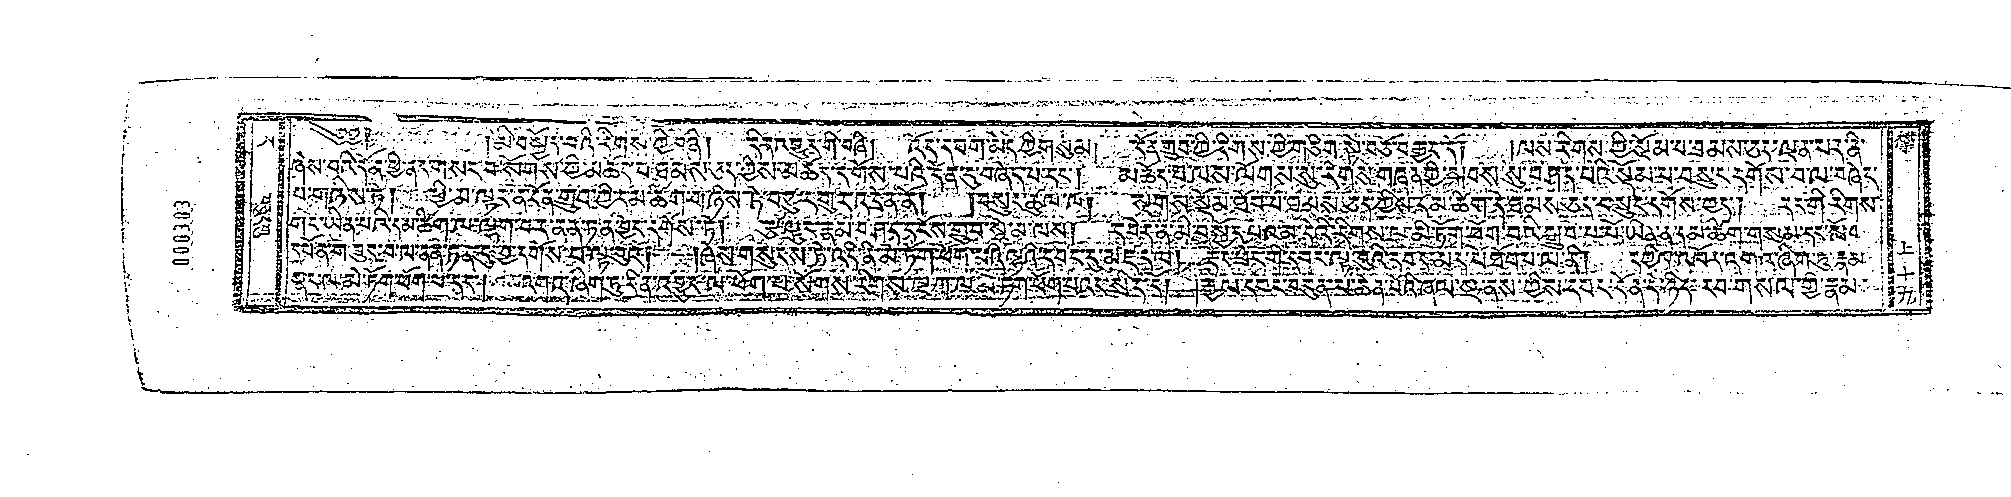༄༅། །མི་བསྐྱོད་བའི་རིགས་ཀྱི་བཞི། རིན་འབྱུང་གི་བཞི། འོད་དཔག་མེད་ཀྱི་གསུམ། དོན་གྲུབ་ཀྱི་རིགས་ཀྱི་གཅིག་སྟེ་བཅོ་བརྒྱད་དོ། །ལས་རིགས་ཀྱི་སྡོམ་པ་ཐམས་ཅད་ལྡན་པར་ནི་
ཞེས་བའི་དོན་ཕྱི་ནང་གསང་བ་སོགས་ཀྱི་མཆོད་པ་ཐམས་ཅད་ཀྱིས་མཆོད་དགོས་པའི་དོན་དུ་བཞེད་པ་དང་། མཆོད་པ་ལས་ལོགས་སུ་རིགས་གཞན་གྱི་སྐབས་སུ་བཤད་པའི་སྡོམ་པ་བསྲུང་དགོས་བ་ལ་བཞེད་
པ་གཉིས་ཏེ། ཕྱི་མ་ལྟར་ན་དོན་གྲུབ་ཀྱི་དམ་ཚིག་གཉིས་ཏེ་བཅུ་དགུར་འདྲེན་ནོ། །བསྲུང་ཚུལ་ལ། སྔགས་སྡོམ་ཐོབ་པ་ཐམས་ཅད་ཀྱིས་དམ་ཚིག་དེ་ཐམས་ཅད་བསྲུང་དགོས་ཀྱང་། རང་གི་རིགས་
གང་ཡིན་པའི་དམ་ཚིག་ལ་ལྷག་བར་ནན་ཏན་བྱེད་དགོས་ཏེ། རྩ་ལྟུང་རྣམ་བཤད་དངོས་གྲུབ་སྙེ་མ་ལས། དབེར་ན་མི་བསྐྱོད་པའམ་དེའི་རིགས་ལ་མི་ཏོག་ཕོག་བའི་སྒྲུབ་པ་པོ་ཡིན་ན་དམ་ཚིག་གསུམ་དང་སློབ་
དཔོན་གཟུང་བ་ལ་ནན་ཏན་དུ་བྱ་དགོས་བ་ལྟ་བུའོ། །ཞེས་གསུངས་ཏེ་འདི་ནི་མེ་ཏོག་ཕོག་པའི་ལྷའི་དབང་དུ་མཛད་ལ། རྡོང་ཕྲེང་གི་དབང་ལྟ་བུའི་དབང་མང་པོ་ཐོབ་པ་ལ་ནི། དཀྱིལ་འཁོར་འགའ་ཞིག་ཏུ་རྣམ་
སྣང་ལ་མེ་ཏོག་ཕོག་པ་དང་། འགའ་ཞིག་ཏུ་རིན་འབྱུང་ལ་ཕོག་པ་སོགས་རིགས་ལྔ་ཀ་ལ་མེ་ཏོག་ཕོག་པའང་སྲིད་དོ། །རྒྱལ་དབང་བདུན་པ་ཆེན་པོའི་ཞལ་སྔ་ནས་ཀྱིས་དབང་དོན་དེ་ཉིད་རབ་གསལ་གྱི་རྣམ་